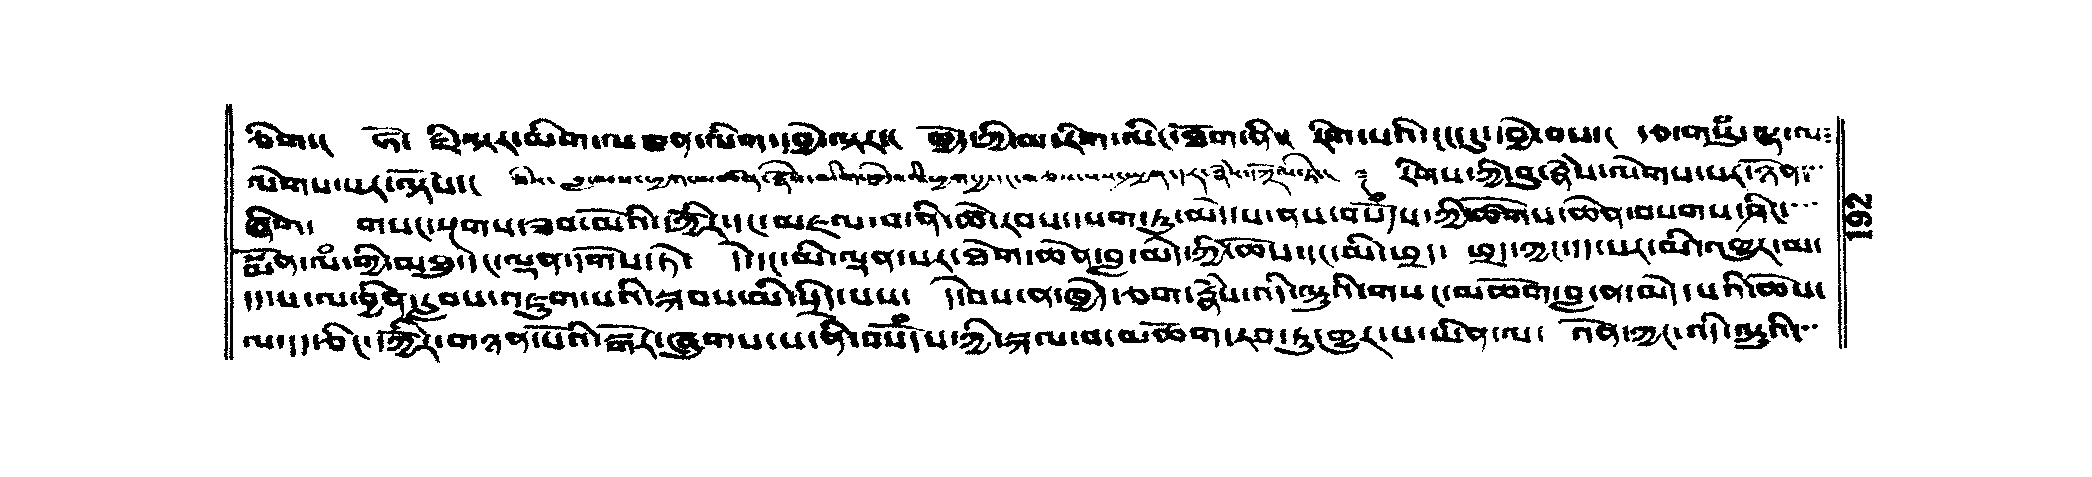ཅིག ཧོ། ཇི་ལྟར་མིག་མཁན་མིག་དབྱེ་ལྟར། ཁྱོད་ཀྱི་མ་རིག་ལིང་ཐོག་ནི། རིག་པའི་ངང་དུ་དབྱེ་བས། རྩ་གསུམ་ལྷ་ལ་
ལེགས་པར་ལྟོས། ཅེས། བླ་མས་ཕྱག་མཚན་རྡོ་རྗེས་མིག་དབྱེ་བའི་ཕྱག་རྒྱ་དང་བཅས་པས་སྤྱན་དར་རྣམས་དཀྲོལ་ཏེ། ༈ རིགས་ཀྱི་བུ་རྣམས་ལེགས་པར་ཉོན་
ཞིག གསང་སྔགས་ཟབ་མོའི་དཀྱིལ་འཁོར་དང་མཇལ་བ་ནི་ཚེ་རབས་དཔག་ཏུ་མེད་པ་ནས་བསོད་ནམས་ཀྱི་ཚོགས་ཆེན་བསགས་ཤིང་
སྨོན་ལམ་གྱི་མཐུ་དང་ལྡན་དགོས་ཏེ། དེ་དང་མི་ལྡན་པར་ཐེག་ཆེན་བླ་མེད་ཀྱི་ཆོས་དང་མི་ཕྲད། ཕྲད་ཀྱང་དད་པར་མི་འགྱུར་མ་
དད་པ་ལ་བྱིན་རླབས་འཇུག་པའི་སྐབས་མི་སྲིད་པས། དེ་བས་ན་ཁྱེད་ཅག་རྣམས་འདི་ལྟ་བུའི་གསང་མཆོག་བླ་ན་མེད་པའི་ཆོས་
ལ་དད་ཅིང་དཀྱིལ་འཁོར་གཉན་པོའི་སྒོར་ཞུགས་པ་ནི་བསོད་ནམས་ཀྱི་སྐལ་བ་མཆོག་རབ་ཏུ་གྱུར་པ་ཡིན་ལ།འོན་ཀྱང་འདི་ལྟ་བུའི་